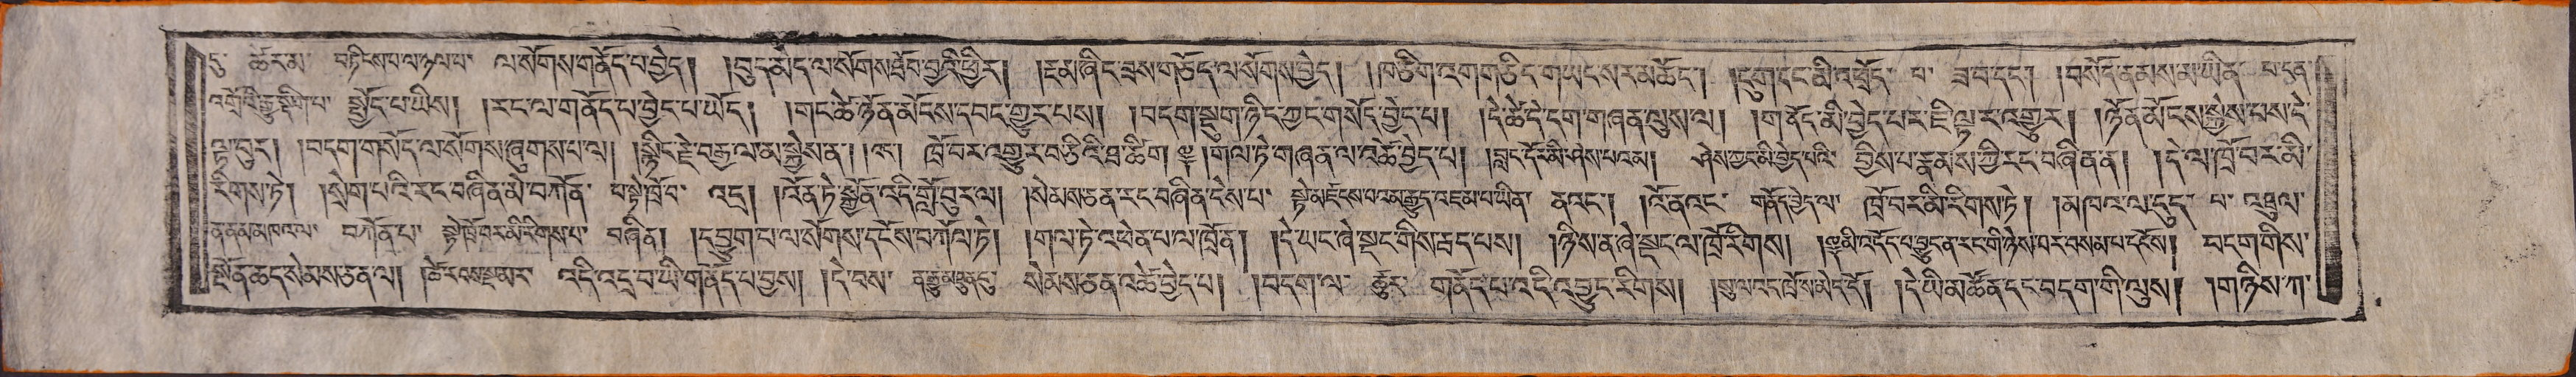དུ་ཚེར་མ་མ་བཏིངས་པ་ལ་ཉལ་བ་ལ་སོགས་གནོད་པ་བྱེད། །བུད་མེད་ལ་སོགས་ཐོབ་བྱའི་ཕྱིར། །རྔམ་ཞིང་ཟས་གཅོད་ལ་སོགས་བྱེད། །ཁ་ཅིག་འགག་ཅིང་གཡང་སར་མཆོད། །དུག་དང་མི་འཕྲོད་བ་ཟ་བ་དང་། །བསོད་ནམས་མ་ཡིན་པ་ངན་
འགྲོའི་རྒྱུ་སྡིག་པ་སྤྱོད་པ་ཡིས། །རང་ལ་གནོད་པ་བྱེད་པ་ཡོད། །གང་ཚེ་ཉོན་མོངས་དབང་གྱུར་པས། །བདག་སྡུག་ཉིད་ཀྱང་གསོད་བྱེད་པ། །དེ་ཚེ་དེ་དག་གཞན་ལུས་ལ། །གནོད་མི་བྱེད་པར་ཇི་ལྟར་འགྱུར། །ཉོན་མོངས་སྐྱེས་པས་དེ་
ལྟ་བུར། །བདག་གསོད་ལ་སོགས་ཞུགས་པ་ལ། །སྙིང་རྗེ་བརྒྱ་ལམ་སྐྱེས་ན། །༡༨། ཁྲོ་བར་འགྱུར་བ་ཅིའི་ཐ་ཚིག ༈ །གལ་ཏེ་གཞན་ལ་འཚེ་བྱེད་པ། །བླང་དོར་མི་ཤེས་པའམ། ཤེས་ཀྱང་མི་བྱེད་བའི་བྱིས་པ་རྣམས་ཀྱི་རང་བཞིན་ན། །དེ་ལ་ཁྲོ་བར་མི་
རིགས་ཏེ། །སྲེག་པའི་རང་བཞིན་མེ་བཀོན་པ་སྟེ་ཁྲོ་བ་འདྲ། །འོན་ཏེ་སྐྱོན་འདི་གློ་བུར་ལ། །སེམས་ཅན་རང་བཞིན་དེས་པ་སྟེ་མཛངས་པའམ་རྒྱུད་འཇམ་པ་ཡིན་ནའང་། །འོ་ནའང་གནོད་བྱེད་ལ་ཁྲོ་བར་མི་རིགས་ཏེ། །མཁའ་ལ་དུད་པ་འཐུལ་
ན་ནམ་མཁའ་ལ་བཀོན་པ་སྟེ་ཁྲོ་བར་མི་རིགས་པ་བཞིན། །དབྱུག་པ་ལ་སོགས་དངོས་བཀོལ་ཏེ། །གལ་ཏེ་འཕེན་པ་ལ་ཁྲོ་ན། །དེ་ཡང་ཞེ་སྡང་གིས་རྦད་པས། །ཉིས་ན་ཞེ་སྡང་ལ་ཁྲོ་རིགས། །༈ མི་འདོད་པ་བྱུང་ན་རང་གི་ཉེས་པར་བསམ་པ་དངོས། བདག་གིས་
སྔོན་ཆད་སེམས་ཅན་ལ། །ཚེ་རབས་སྔ་མར་འདི་འདྲ་བ་ཡི་གནོད་པ་བྱས། །དེ་བས་ན་རྒྱུ་མཐུན་དུ་སེམས་ཅན་འཚེ་བྱེད་པ། །བདག་ལ་ཚུར་གནོད་པ་འདི་འབྱུང་རིགས། །སུ་ལའང་ཁྲོས་མེད་དོ། །དེ་ཡི་མཚོན་དང་བདག་གི་ལུས། །གཉིས་ཀ་